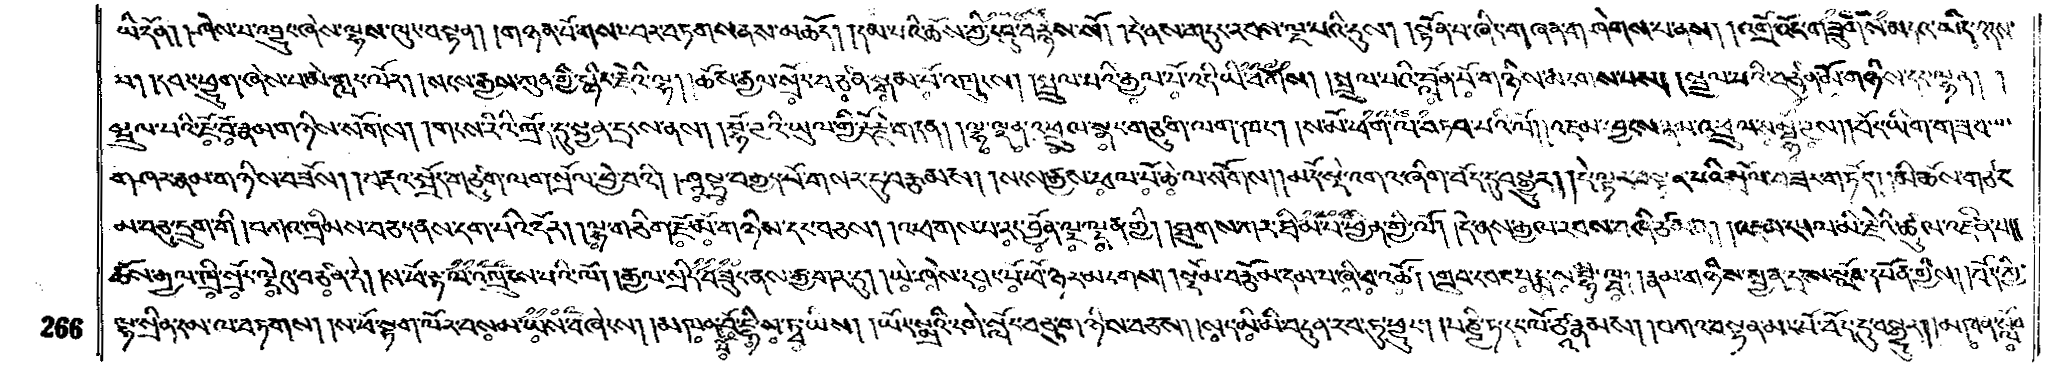ཡི་དོན། །ཤེས་པ་འབྱུང་ཞེས་ལྷས་ལུང་བསྟན། །གཉན་པོ་གསང་བར་བཏགས་ནས་མཆོད། །དམ་པའི་ཆོས་ཀྱི་དབུ་བརྙེས་སོ། །དེ་ནས་གདུང་རབས་ལྔ་པའི་དུས། །སྟོན་པ་ཞིང་གཞན་གཤེགས་པ་ནས། །འགྲོ་འོད་གཟུགས་མདའ་ཡིད་འདས་
པ། །དབང་ཕྱུག་ཞེས་པ་མེ་གླང་ལོར། །སངས་རྒྱས་ཀུན་གྱི་སྙིང་རྗེའི་ལྷ། །ཆོས་རྒྱལ་སྲོང་བཙན་སྒམ་པོ་འཁྲུངས། །སྤྲུལ་པའི་རྒྱལ་པོ་འདི་ཡི་བཀོས། །སྤྲུལ་པའི་བློན་པོ་གཉིས་མངགས་པས། །སྤྲུལ་པའི་བཙུན་མོ་གཉིས་དང་ལྷན། །
སྤྲུལ་པའི་ཇོ་བོ་རྣམ་གཉིས་སོགས། །གངས་རིའི་ཁྲོད་དུ་སྤྱན་དྲངས་ནས། །བྷོ་ཊའི་ཡུལ་གྱི་རྡོ་རྗེ་གདན། །ལྷ་ལྡན་འཕྲུལ་སྣང་གཙུག་ལག་ཁང་། །ས་མོ་ཕག་ལ་བཏབ་པའི་ལོ། །འཇམ་དབྱངས་རྣམ་འཕྲུལ་སམྦྷོ་ཊས། །བོད་ཡིག་གཟབ་
གཤར་རྣམ་གཉིས་བཟོས། །བརྡའ་སྤྲོད་གཙུག་ལག་སྲོལ་ཕྱེ་བའི། །ཤཱསྟྲ་བརྒྱད་པོ་གསར་དུ་བརྩམས། །སངས་རྒྱས་ཕལ་པོ་ཆེ་ལ་སོགས། །མདོ་སྡེ་འགའ་ཞིག་བོད་དུ་བསྒྱུར། །དེ་ལྟར་བསྟན་པའི་སྲོལ་བཟང་གཏོད། །མི་ཆོས་གཙང་
མ་བཅུ་དྲུག་གི །བཀའ་ཁྲིམས་བཅད་ནས་དག་པའི་དོར། །ལྷ་གཅིག་ཇོ་མོ་གཉིས་དང་བཅས། །འཕགས་པ་རང་བྱོན་ལྔ་ལྡན་གྱི། །ཐུགས་ཀར་ཐིམ་པ་ཕྱིན་གྱི་ལོ། །དེ་ནས་རྒྱལ་རབས་བཞི་ཙམ་ན། །འཇམ་དཔལ་མི་རྗེའི་ཚུལ་འཛིན་པ། །
ཆོས་རྒྱལ་ཁྲི་སྲོང་ལྡེའུ་བཙན་དེ། །ས་ཕོ་རྟ་ལ་འཁྲུངས་པའི་ལོ། །རྒྱལ་སྲིད་བཟུང་ནས་རྒྱ་གར་དུ། །ཡེ་ཤེས་དབང་པོ་ཕོ་ཉར་མངགས། །སྡོམ་བརྩོམ་དམ་པ་ཞི་བ་འཚོ། །གྲུབ་དབང་པདམ་སམྦྷ་ལྦ། །རྣམ་གཉིས་སྤྱན་དྲངས་སློབ་དཔོན་གྱིས། །བོད་ཀྱི་
ལྷ་སྲིན་དམ་ལ་བཏགས། །ས་ཕོ་སྟག་ལོར་བསམ་ཡས་བཞེངས། །མཁན་པོ་བོ་དྷི་ས་ཏྭ་ཡིས། །ཡོད་སྨྲའི་དགེ་སློང་བཅུ་གཉིས་བཅས། །སད་མི་མི་བདུན་རབ་ཏུ་ཕྱུང་། །པཎྜི་ཏ་དང་ལོ་ཙཱ་རྣམས། །བཀའ་བསྟན་མང་པོ་བོད་དུ་བསྒྱུར། །མཁན་སློབ་